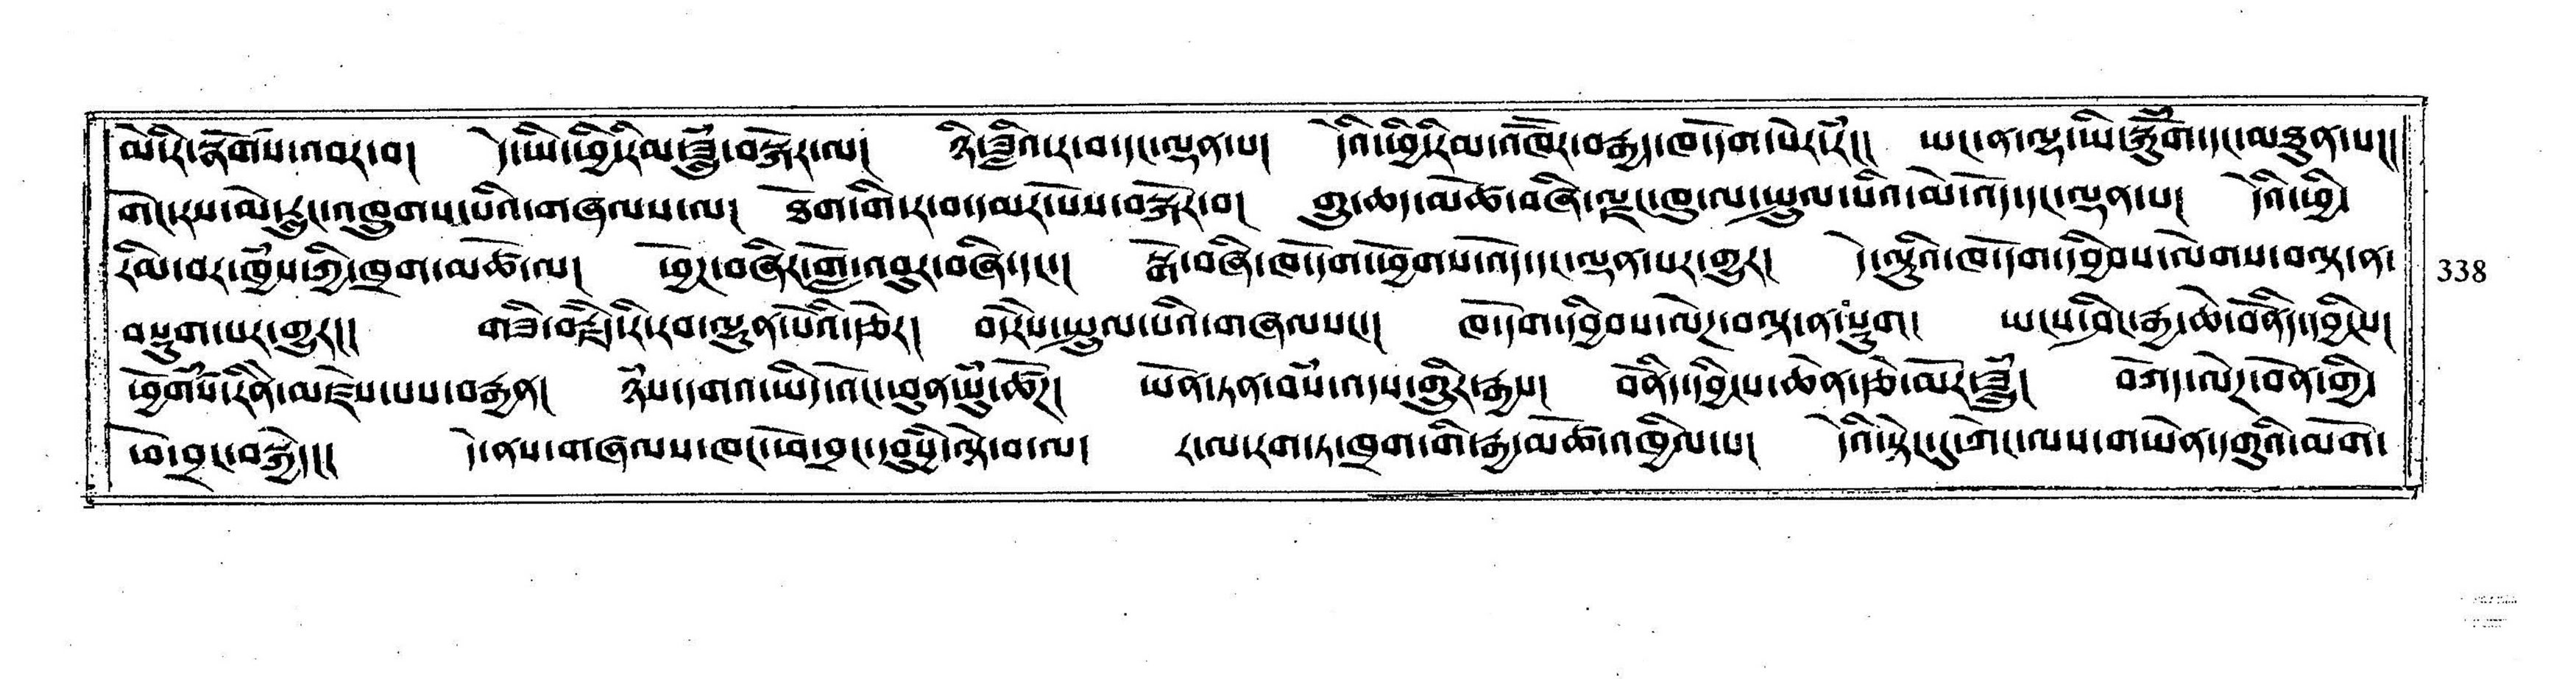མེ་རི་སྣ་ཚོགས་འབར་བ། དེ་ཡི་ཕྱི་རིམ་ཟླུམ་བསྐོར་ལ། ཉི་ཟླའི་ར་བ་དང་ལྡན་པ། དེའི་ཕྱི་རིམ་འཁོར་ལོ་བརྒྱད་ཁ་དོག་སེར་རཾ།། ཡང་ན་ལྷ་ཡི་སྐུ་མདོག་དང་མཐུན་པ།། 
གོང་རས་མེ་རླུང་འཁྲུགས་པའི་གཞལ་ཡས་ལ། ཐོག་གི་ར་བ་དམར་པོས་བསྐོར་བ། གྲུ་ཆད་མཚོ་བཞི་ལྗང་ཁུ་ལ་སྤྲུལ་པའི་མེ་འོད་དང་ལྡན་པ། དེའི་ཕྱི་
རིམ་བར་ཁྱམས་ཀྱི་ཁྲག་མཚོ་ལ། ཕྱོགས་བཞིར་གློ་འབུར་བཞི་དང་། སྒོ་བཞི་ཁ་དོག་ཕྱོགས་འོད་དང་ལྡན་པར་གྱུར། དེ་ལྟ་བུའི་ཁ་དོག་དབྱིབས་ལེགས་བལྟ་ན་
བསྡུག་པར་གྱུར།། གཟི་བརྗིད་རི་རབ་ལྷུན་པོའི་རྩེར། བདེར་གཤེགས་སྤྲུལ་པའི་གཞལ་ཡས་ཁང་། ཁ་དོག་དབྱིབས་ལེགས་བལྟ་ན་སྡུག ཡངས་ཤིང་རྒྱ་ཆེ་བོན་ཉིད་དབྱིངས། 
ཕྱོགས་མཚམས་རིན་ཆེན་མཛེས་པས་བརྒྱན། ཉམས་དགའ་ཡིད་འོང་ཕུན་སུམ་ཚོགས། ཡོན་ཏན་བསམ་འདས་གྲུ་བཞིར་རྒྱས། བོན་ཉིད་དབྱིངས་ཆེན་རྩེ་མོར་ཟླུམ། བཀོད་ལེགས་བོན་གྱི་
ཕོ་བྲང་བསྐྱེད།། དེ་ནས་གཞལ་ཡས་ཁང་ཕོ་བྲང་དབུས་ཀྱི་ལྟེ་བ་ལ། ར་ལ་རག་ཏ་ཁྲག་གི་རྒྱ་མཚོ་འཁྱིལ་པ། དེའི་སྟེང་དུ་ཀེང་ལས་གཡེན་དགུའི་མགོ་